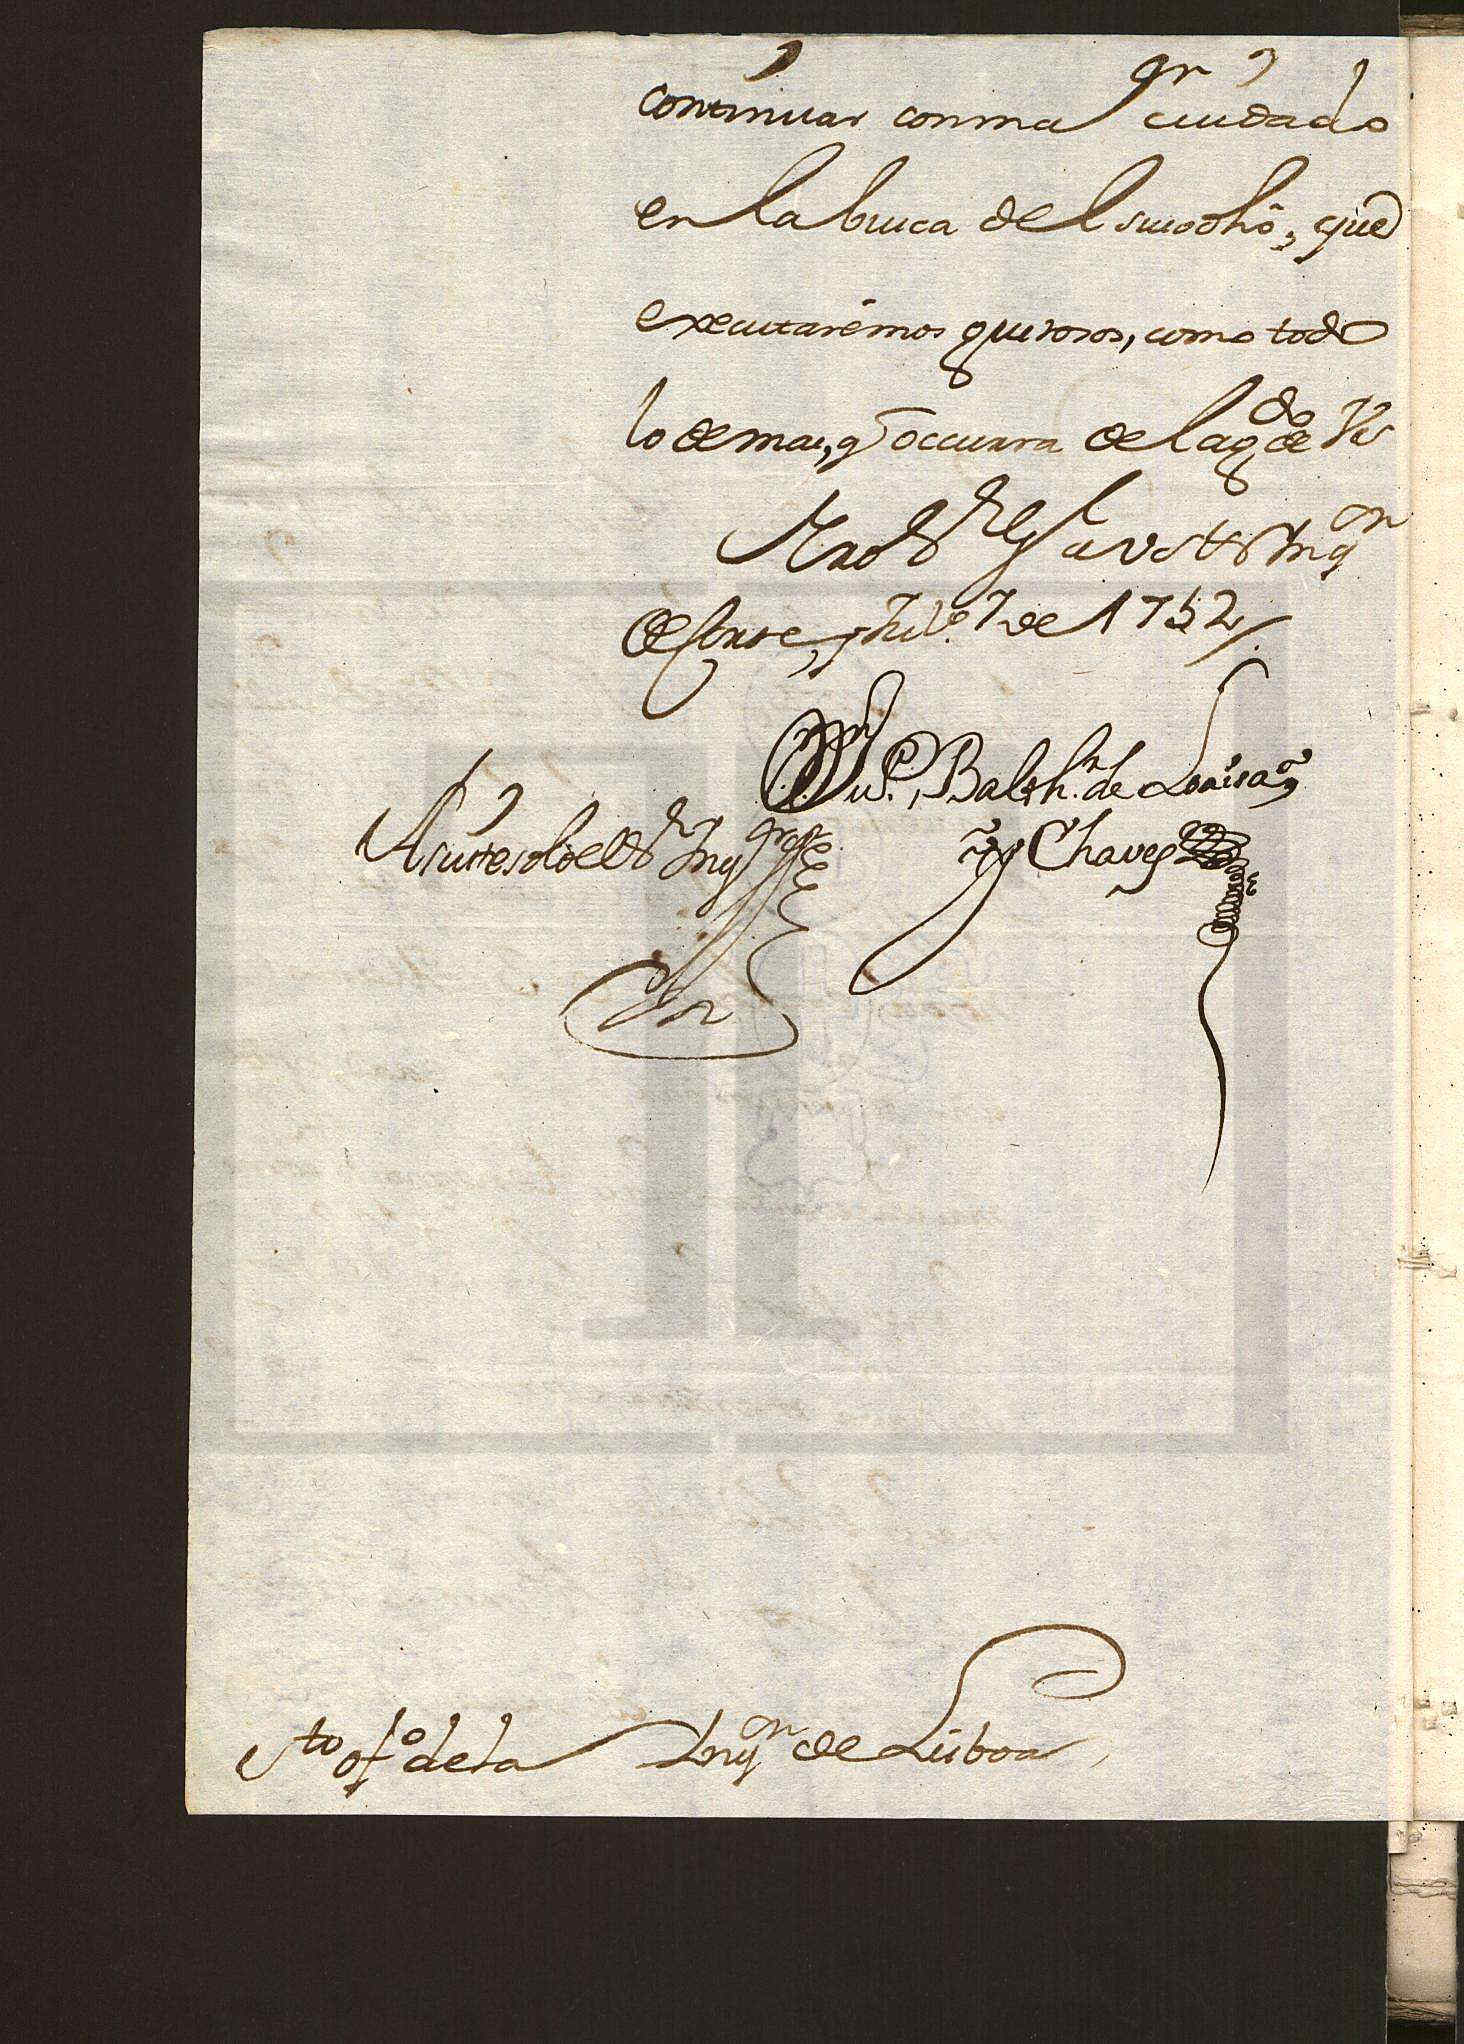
continuar con maor cuidado
en la busca del susodhō, que
executarémos gustosos, como todo
lo demas, q̄ occurra del agdo de Vs
Nro Sor Ge a vs & Ynqon
de Corte, y Iul.o 7 de 1752
Dn Ju.o Balth.r de Loaisa
Assiste solo el sor Ynqr
y Chaves
